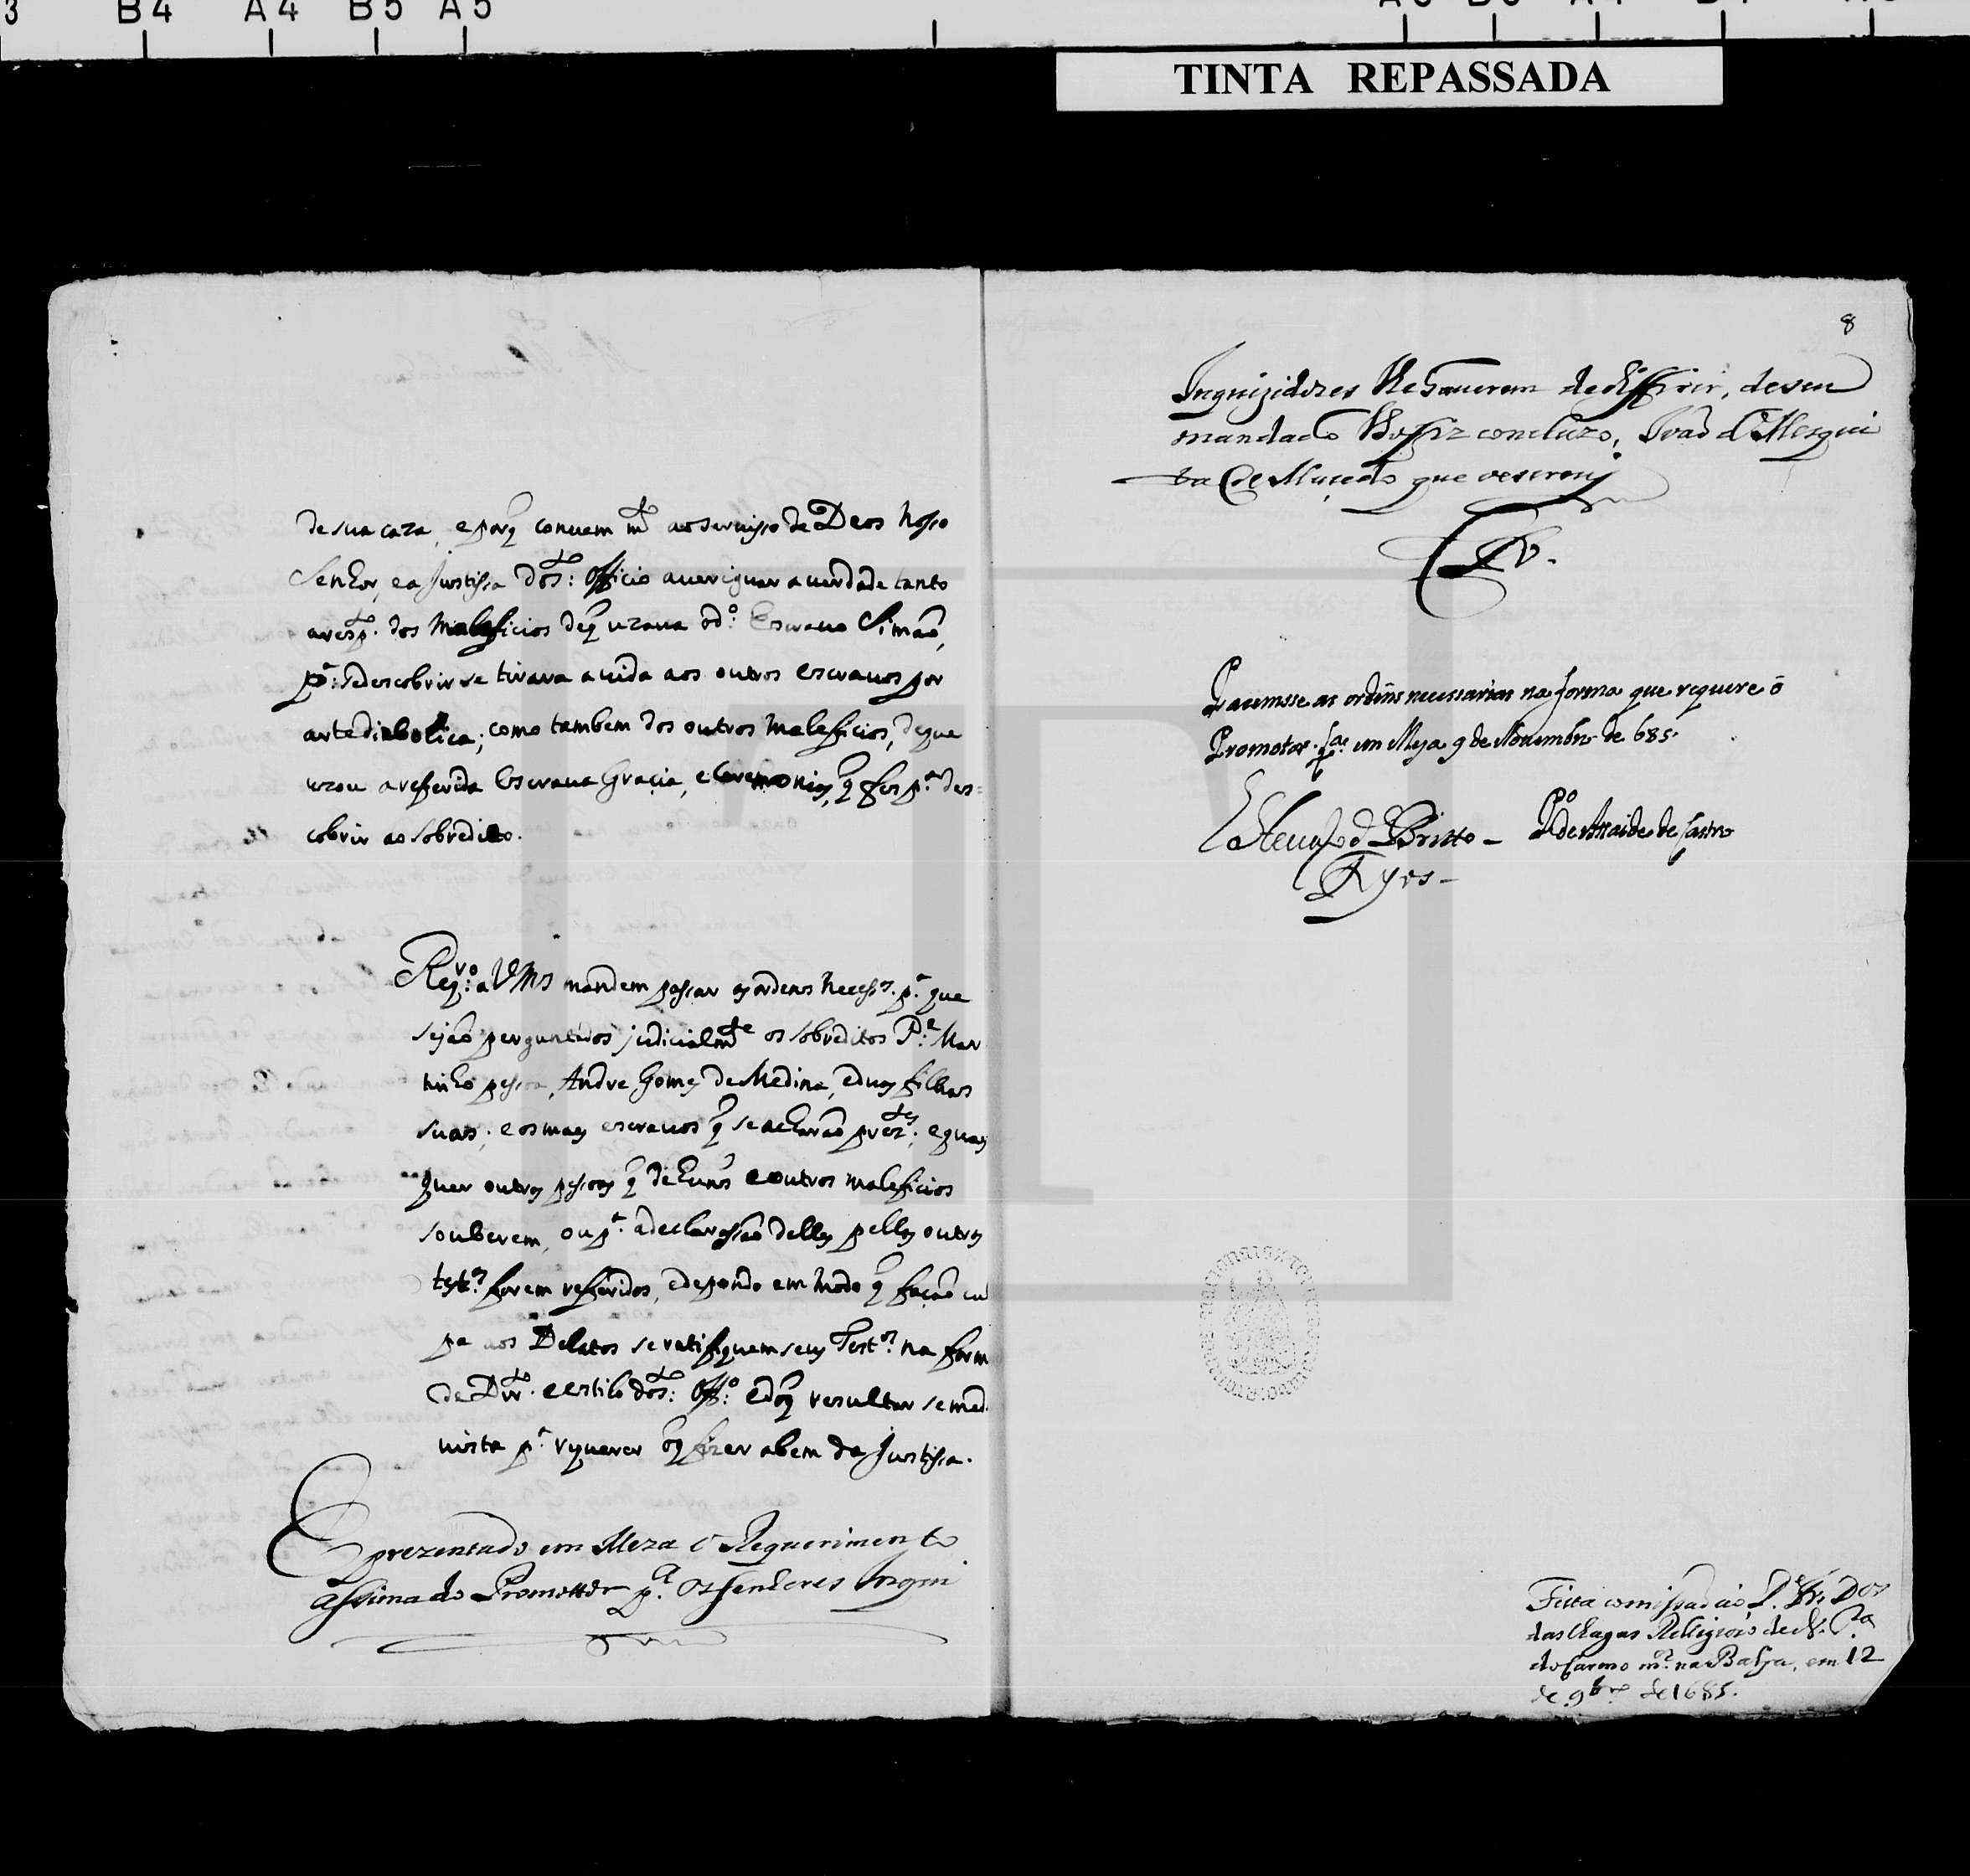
de sua caza, e porq̄ conuem mto ao seruisso de Deos nosso
Senhor, e a Justissa do s:to officio aueriguar a uerdade tanto
a resp.to dos maleficios de q̄ uzaua o do: Escrauo Simaõ,
pa: se descobrir se tirava a uida aos outros escrauos por
arte diabolica; como tambem dos outros maleficios, de que
uzou a refferida Escraua Gracia, e ceremonias, q̄ fez p.a des
cobrir ao sobredito.
Reqr:o a V Ms mandem passar as ordens necessas. pa. que
sejaõ perguntados judicialmte os sobreditos P:e Mar
tinho pessoa, Andre Gomes de Medina, e duas filhas
suas; e os maes escrauos q̄ se acharaõ preztes; e quaes
quer outras pessoas q̄ de huns̄ e outros maleficios
souberem, ou p.a a declarassaõ delles pellos outros
test.os forem referidos, e depondo em tudo q̄ façaõ cul
pa aos Delatos se ratifiquem seus Testos. na form
de Dir.to e estilo do s:to off:o e do q̄ resultar se me d
uista p.a requerer o q̄ fizer a bem da Justissa.
E prezentado em Meza o Requerimento
assima do Promottor p.a os senhores Inqui
Inquizidores lhe hauerem de differir, de seu
mandado lho fiz concluzo, Ioaõ de Mesqui
ta de Macedo que o escreuj
CLo.
Pacemsse as ordens necessarias na forma que requere o
Promotor. Lx.a em Meza 9 de Nouembro de 685.
ESteuaõ de Britto
Po de Attaide de Castro
Foyos -
Feita comissaõ ao P.e Fr. Dos
das Chagas Relligiozo de N. s.ra
do Carmo mor. na Bahja, em i2
de 9br.o de 1685.
